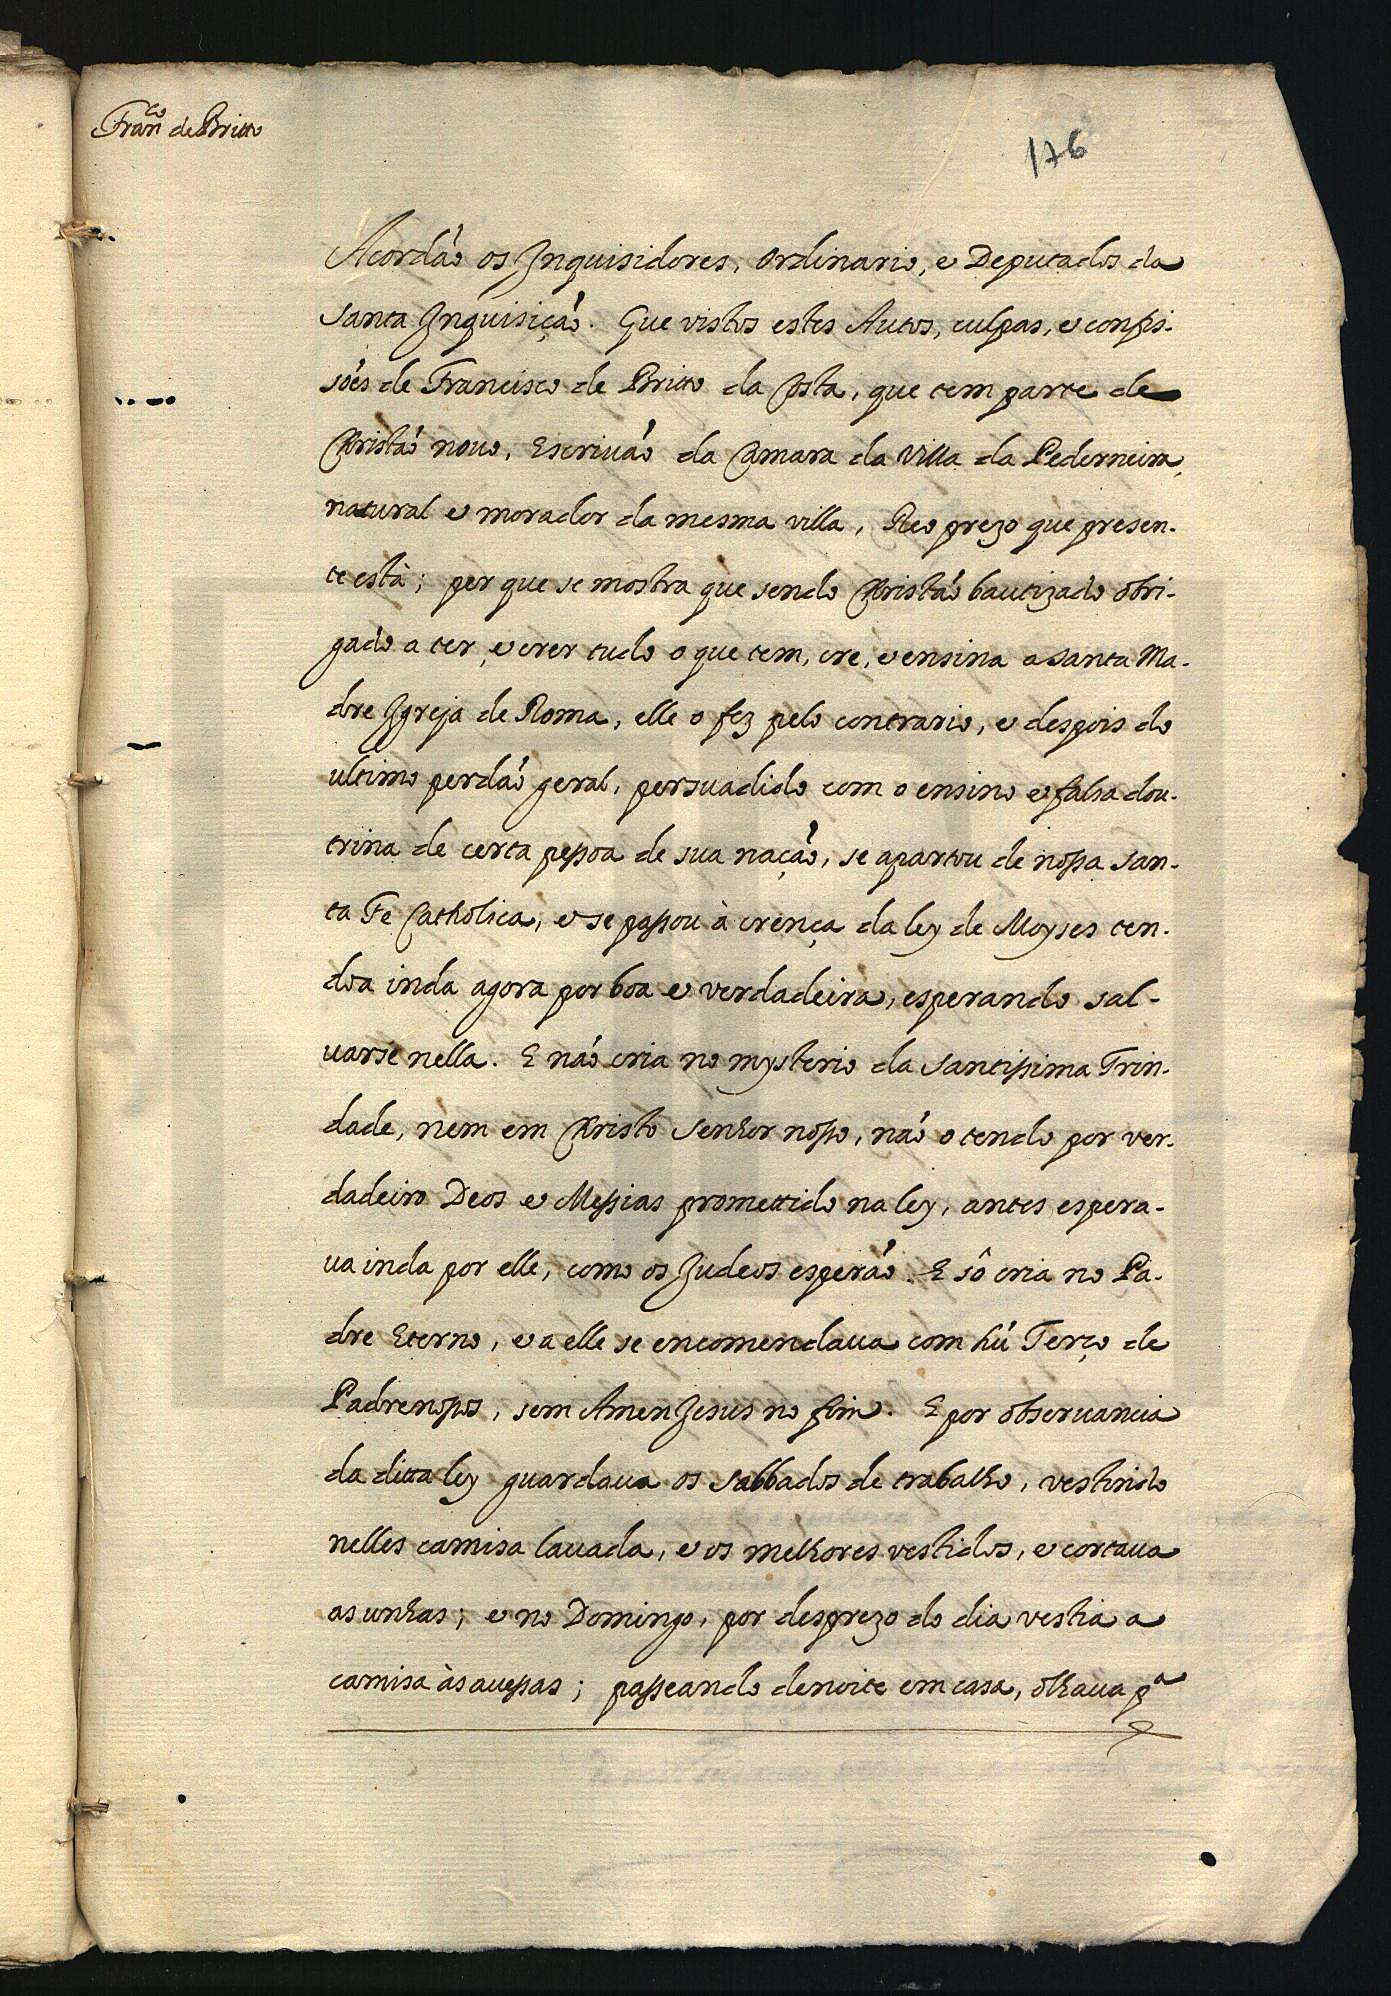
Franco de Britto
Acordaõ os Jnquisidores, ordinario, e Deputados da
santa Jnquisiçaõ. Que vistos estes Autos, culpas, e confis
soẽs de Francisco de Britto da Costa, que tem parte de
Christaõ nouo, Escriuaõ da Camara da villa da Pederneira,
natural e morador da mesma villa, Reo prezo que presen
te está; per que se mostra que sendo Christaõ bautizado obri
gado a ter, e crer tudo o que tem, cre, e ensina a santa Ma
dre Jgreja de Roma, elle o fez pelo contrario, e despois do
ultimo perdaõ geral, persuadido com o ensino e falsa dou
trina de certa pessoa de sua naçaõ, se apartou de nossa san
ta Fe Catholica, e se passou à crença da ley de Moyses ten
do ainda agora por boa e verdadeira, esperando sal
uarse nella. E naõ cria no mysterio da santissima Trin
dade, nem em Christo Senhor nosso, naõ o tendo por ver
dadeiro Deos, e Messias promettido na ley, antes espera
ua inda por elle, como os Judeos esperão E sô cria no Pa
dre Eterno, e a elle se encomendaua com hū Terço de
Padre nossos, sem Amen Jesus no fim. E por obseruancia
da ditta ley guardaua os sabbados de trabalho, vestindo
nelles camisa lauada, e os melhores vestidos, e cortaua
as unhas; e no Domingo, por desprezo do dia vestia a
camisa às auessas; passeando de noite em casa, olhaua pa
